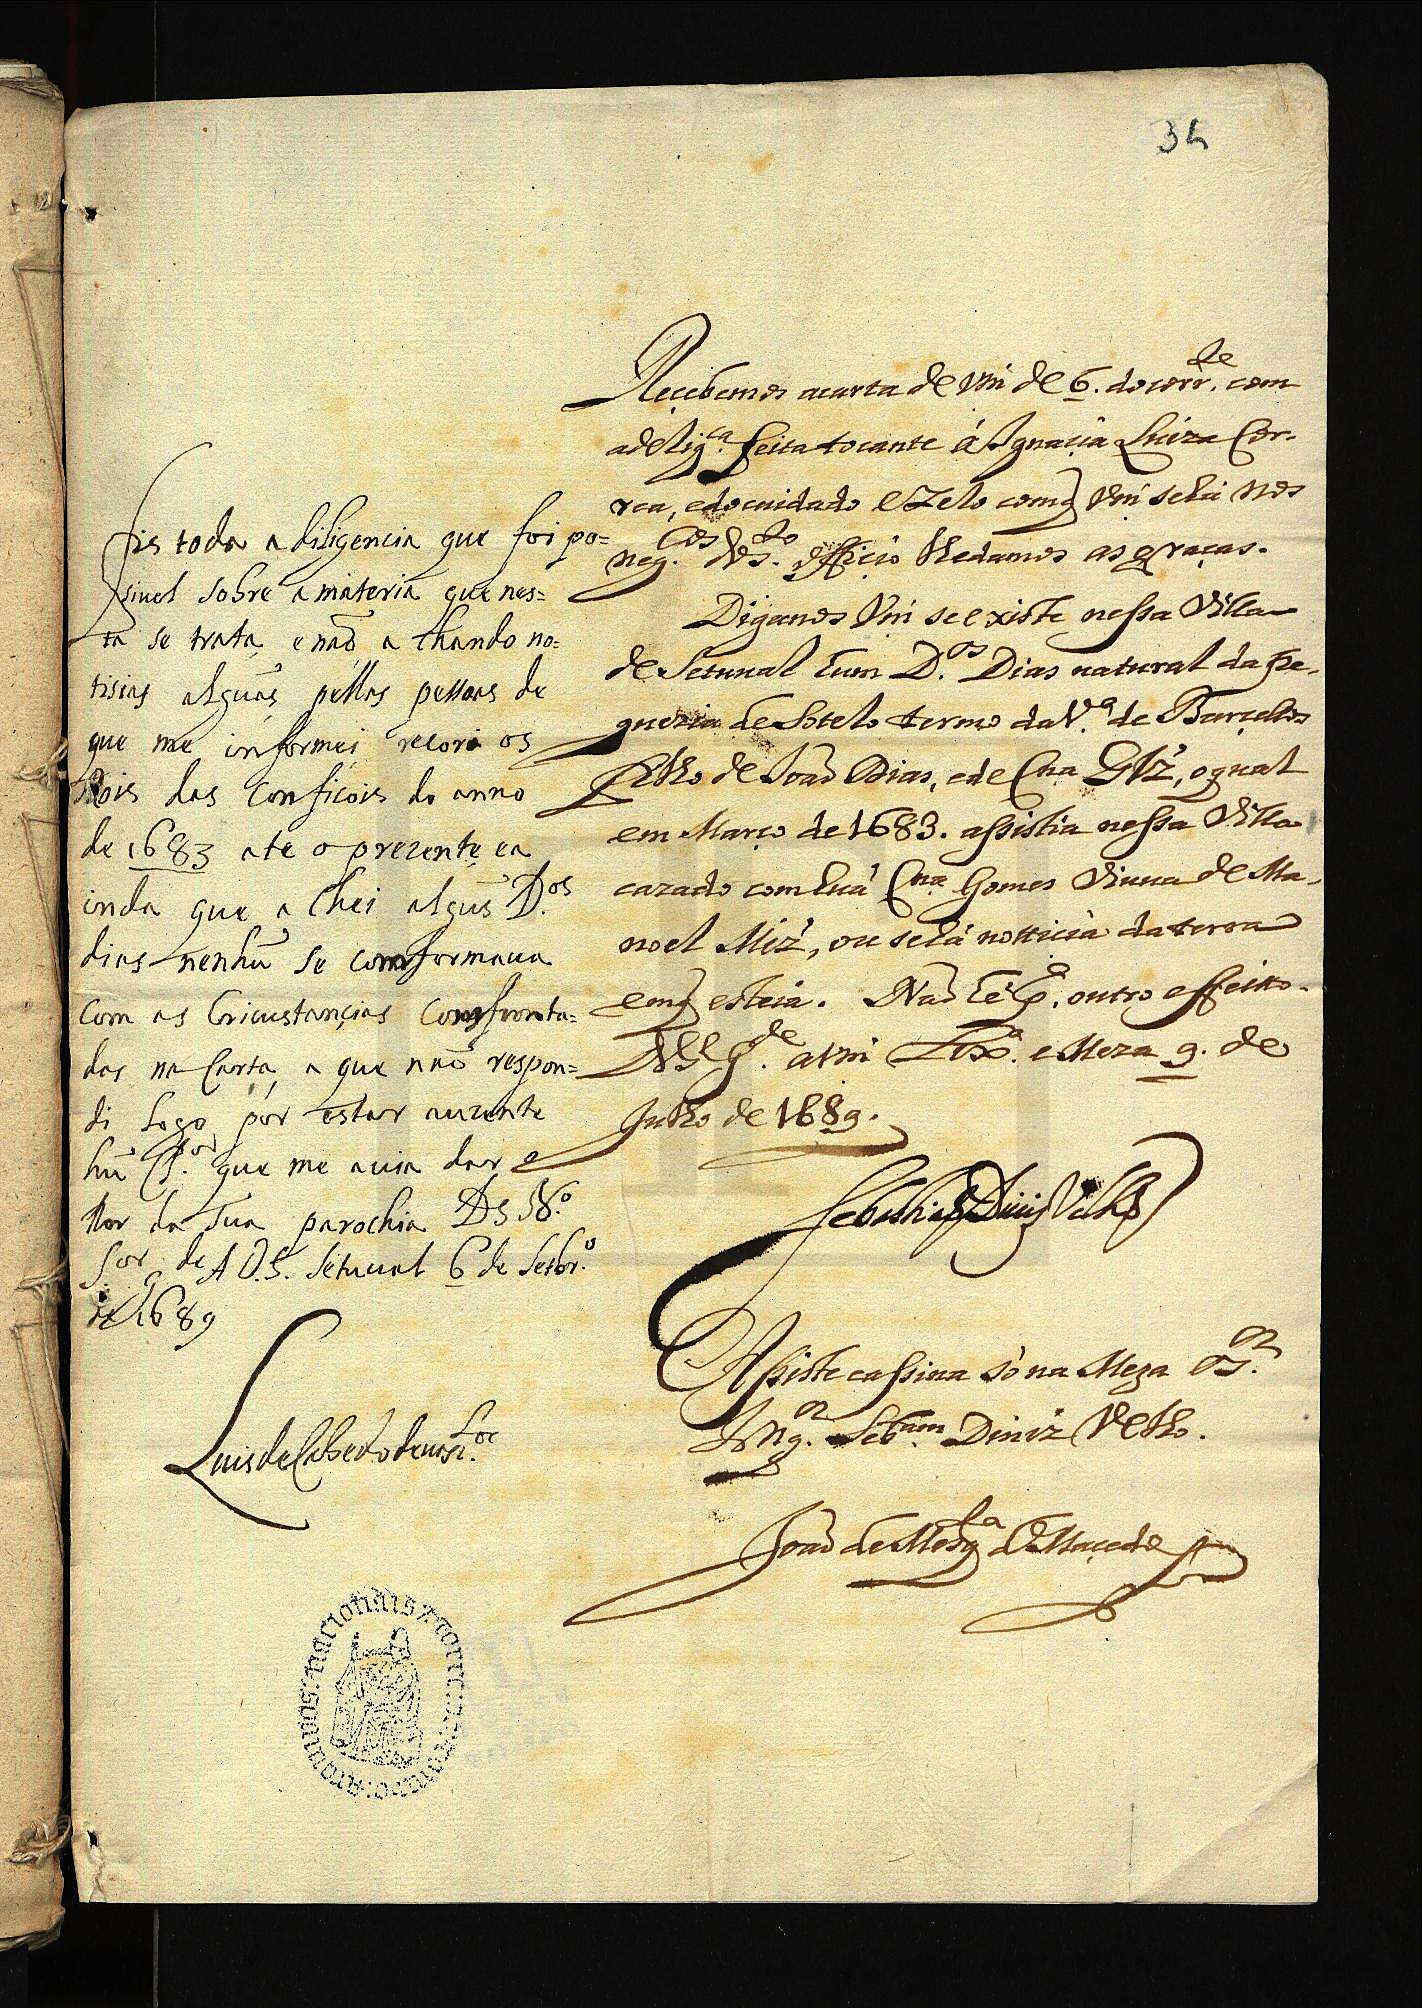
Recebemos a carta de v me de 6. do corr.te com
a delig.ca feita tocante à Ignacia Luiza Cor
rea, e do cuidado e Zelo com q̄ v m̄ se há nos
neg.cos do s.to officio lhe damos as graças.
Diganos V m̄ se existe nessa Villa
de Setuual hum D.os Dias natural da fre
guezia de Sotelo termo da V.a de Barcellos
filho de Ioão Dias, e de Cna Glz̄, o qual
em Março de 1683. assistia nessa Villa
cazado com huā Cna. Gomes Viuua de Ma
noel Miz̄, ou se há notticia da terra
em q̄ esteia. Naõ he p.a outro effeito.
Ds̄ g.de a v m̄ Lix.a e Meza 9. de
Julho de 1689.
Sebastiaõ Diniz Velho
Assiste e assina só na Meza o s.or
Inq.or Seb.am Diniz Velho.
João de Mesq.ta de Macedo
fis toda a diligencia que foi po
siuel sobre a materia que nes
ta se trata, e naõ achando no
tisias alguās pellas pessoas de
que me informei recori os
Rois das confiçois do anno
de 1683 ate o prezente, e a
inda que achei algus̄ D.os
dias nenhū se comformaua
com as Cricustancias comfronta
das na Carta, a que naõ respon
di logo por estar auzente
hū P.or que me auia dar e
Ror da sua parochia Ds̄ N.o
S.or de A V. S. Setuual 6 de Setbr.o
de 1689
Luis de Cabedo de uasc.los
